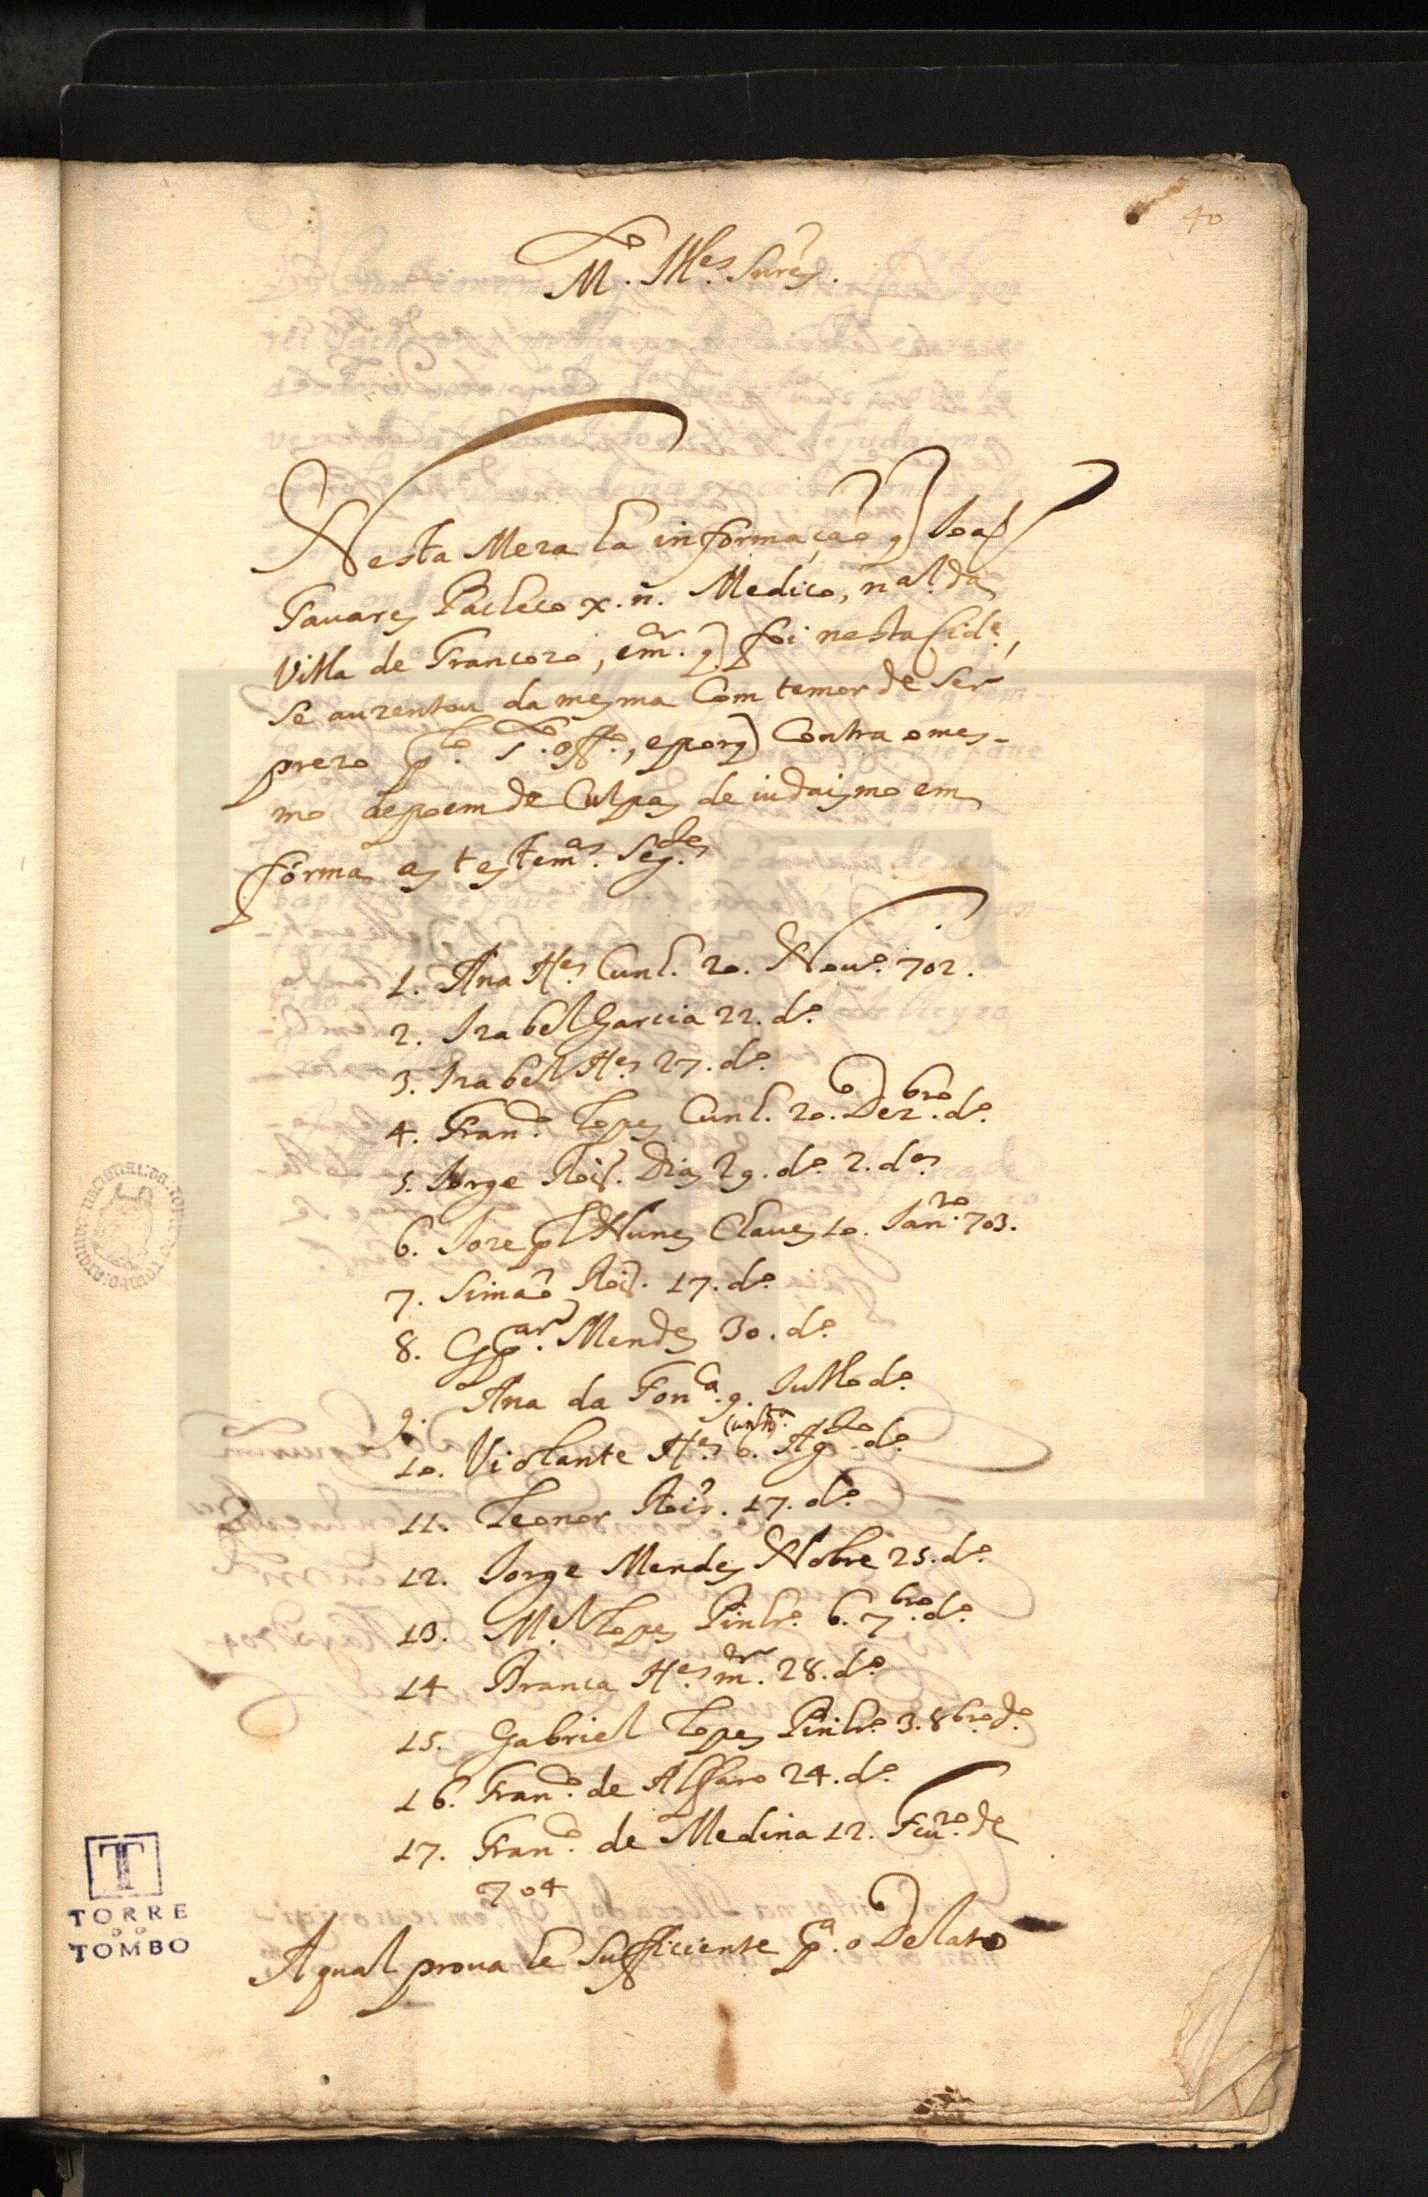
M.to Ill.es Snrēs.
Nesta Meza ha informaçaõ q̄ Ioaõ
Tauares Pacheco x. n. Medico, nal da
Villa de Trancozo, e m.or q̄ foi nesta Cid.e,
se auzentou da mesma Com temor de ser
prezo p.lo s.to off.o, e porq̄ Contra o mes
mo depoem de Culpas de iudaismo em
forma as testem.as seg.tes
1. Ana H.es Cunh. 20. Nou.o 702.
2. Izabel Garcia 22. d.o
3. Izabel H.es 27. d.o
4. Fran.co Lopes Cunh. 20. Dez.bro d.o
5. Iorge Rois̄. Dias 29. do 2. d.o
6. Iozeph Nunes Chaues 10. Ian.ro 703.
7. Simaõ Rois̄. 17. d.o
8. Gp.ar Mendes 30. d.o
9. Ana da Fonca. 9. Iulho d.o
Cunh̄a
10. Violante H.es 6. Ag.to d.o
11. Leonor Rois̄. 17. d.o
12. Iorge Mendes Nobre 25. d.o
13. M.el Lopes Pinhr.o 6. 7.bro d.o
14 Branca H.es mer. 28. d.o
15. Gabriel Lopes Pinh.o 3. 8.bro d.o
16. Fran.co de Alfaro 24. d.o
17. Fran.co de Medina 12. Feu.ro de
704
A qual proua he sufficiente p.a o Delato
